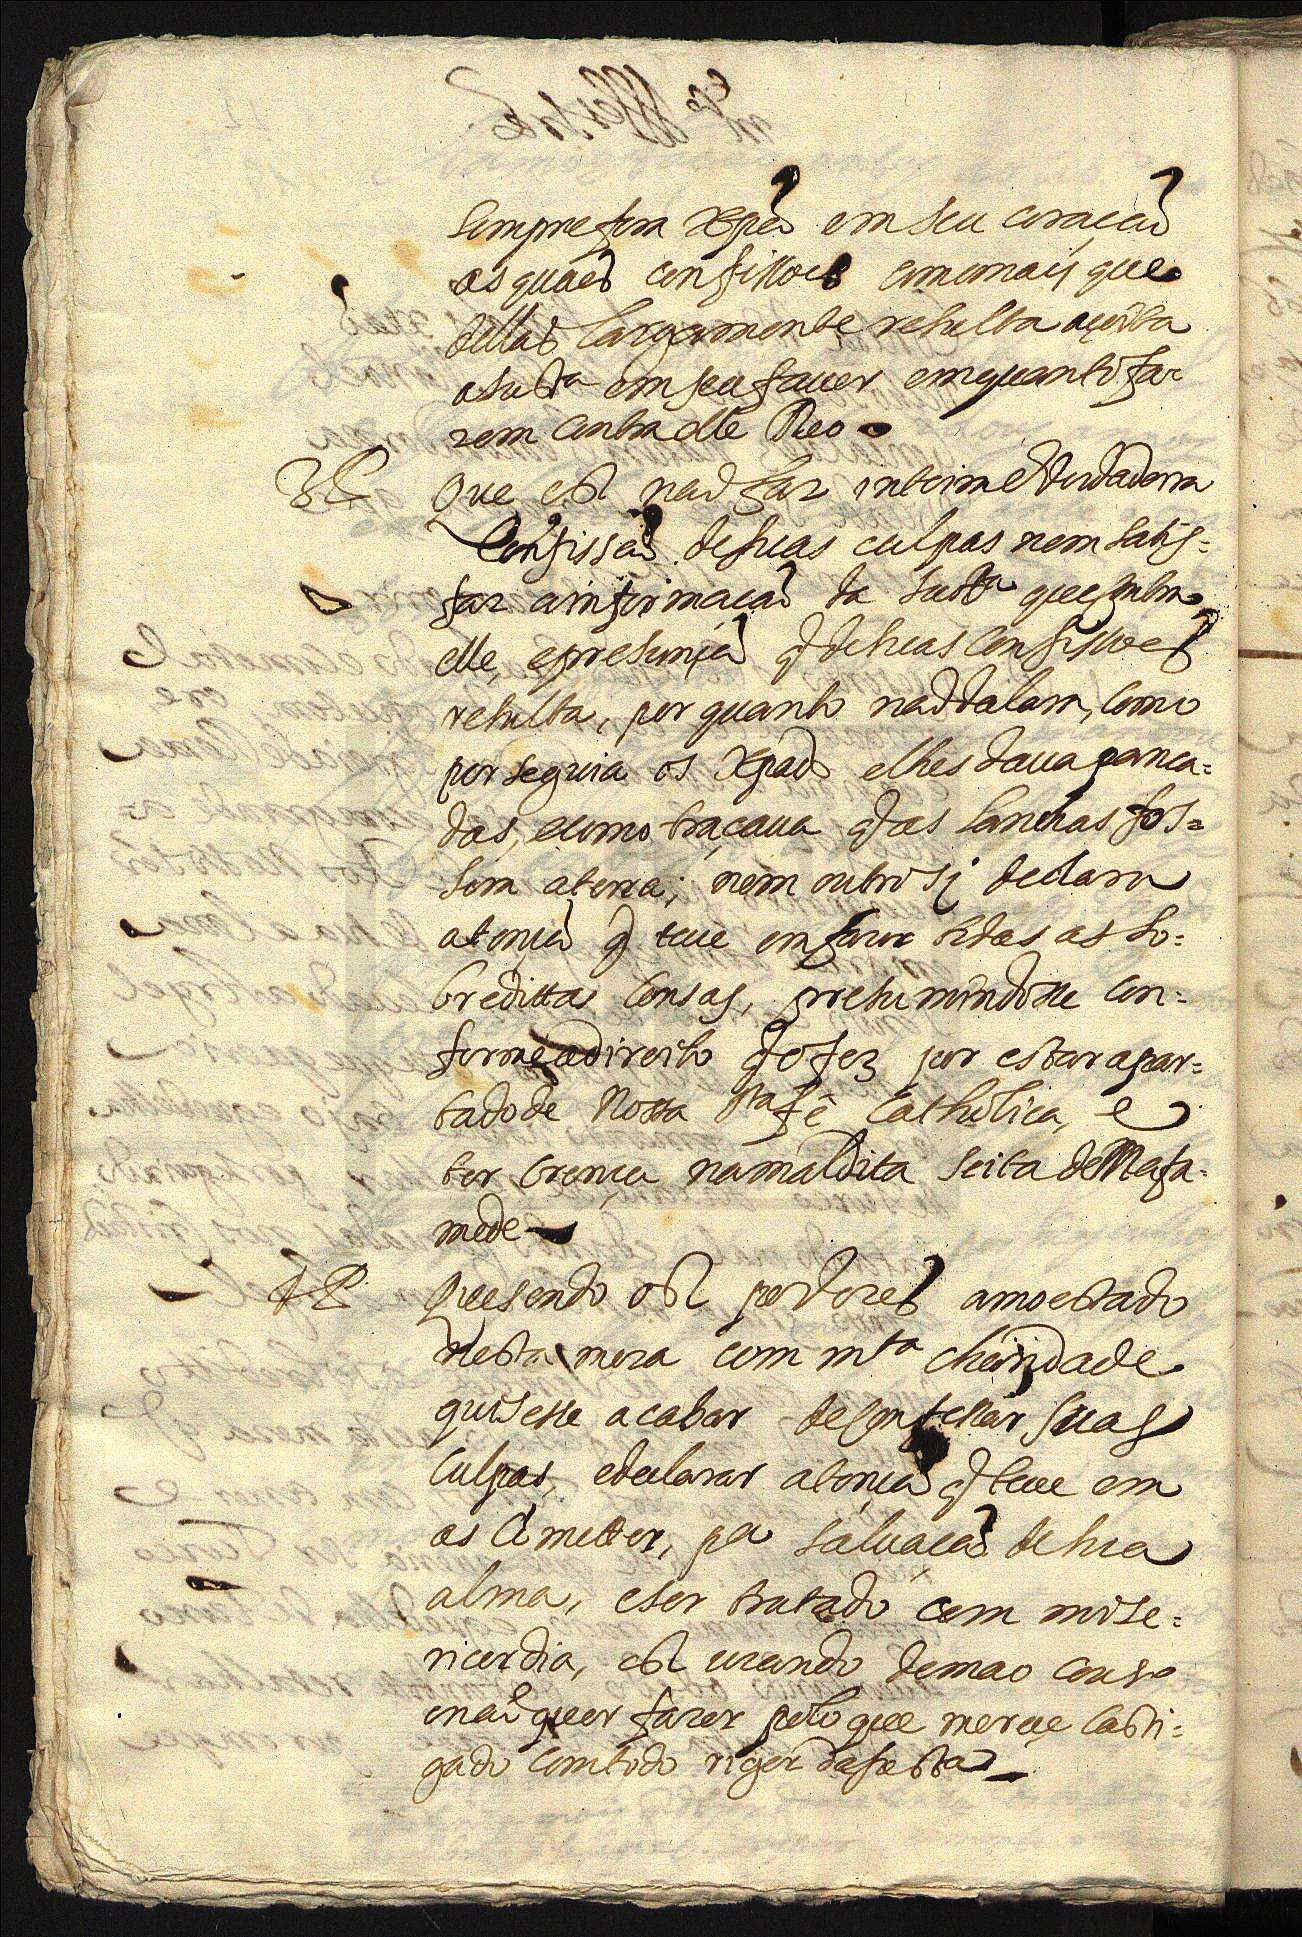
3 P
4 P
sempre fora xpaõ em seu coraçaõ
as quaes confissoes como mais que
dellas largamente resulta aceita
a Iusta em seu fauor emquanto faz
zem contra elle Reo
Que o R naõ faz inteira e Verdadeira
Confissaõ de suas culpas nem satis
faz a informaçaõ da Iusta que Contra
elle, e presunçaõ q̄ de suas confissoẽs
resulta, porquanto naõ declara, como
porseguia os xpaõs e lhes daua panca
das, e como traçaua q̄ as lanchas fos
sem a terra; nem outrosj declara
a tençaõ q̄ teue em fazer todas as so
bredittas cousas, presumindosse con
forme a direito q̄ o fez por estar apar
tado de nossa sta fé catholica, e
ter crença na maldita seita de Mafa
mede -
Que sendo o R por Vezes amoestado
nesta meza com mta charidade
quisesse acabar de Confessar suas
culpas, e declarar a tençaõ q̄ teue em
as cometter, pa saluaçaõ de sua
alma, e ser tratado com mise
ricordia, o R uzando de mao conso
o naõ quer fazer pelo que mereçe casti
gado com todo rigor da justa
